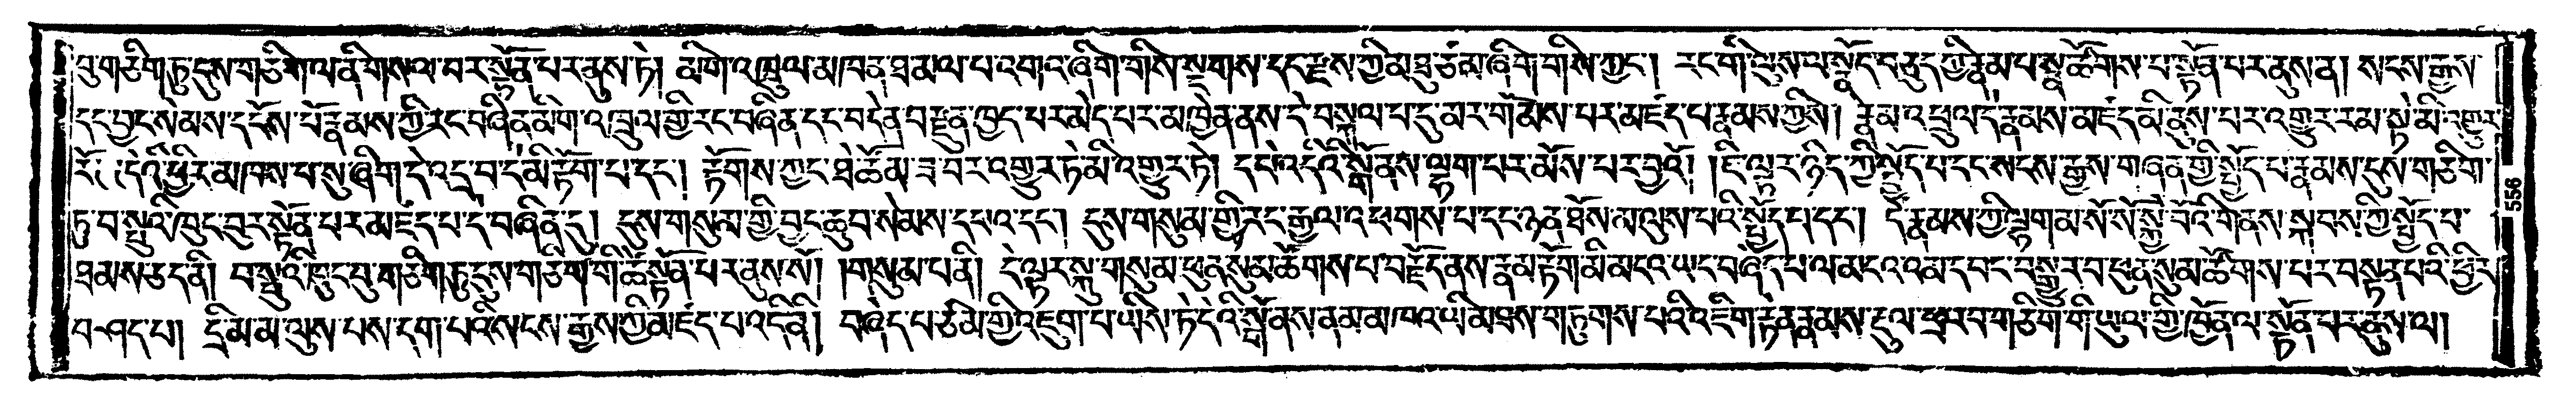བུ་གཅིག་ཏུ་དུས་གཅིག་ལ་ནི་གསལ་བར་སྟོན་པར་ནུས་ཏེ། མིག་འཁྲུལ་མཁན་ཐ་མལ་པ་འགའ་ཞིག་གིས་སྔགས་དང་རྫས་ཀྱི་མཐུ་ཙམ་ཞིག་གིས་ཀྱང་། རང་གི་ལུས་ལ་སྣོད་བཅུད་ཀྱི་རྣམ་པ་སྣ་ཚོགས་པ་སྟོན་པར་ནུས་ན། སངས་རྒྱས་
དང་བྱང་སེམས་དངོས་པོ་རྣམས་ཀྱི་རང་བཞིན་མིག་འཁྲུལ་གྱི་རང་བཞིན་དང་བདེན་བརྫུན་ཁྱད་པར་མེད་པར་མཁྱེན་ནས་དེ་བསྐལ་པ་དུ་མར་གོམས་པར་མཛད་པ་རྣམས་ཀྱིས། རྣམ་འཕྲུལ་དེ་རྣམས་མཛད་མི་ནུས་པར་འགྱུར་རམ་སྟེ་མི་འགྱུར་
རོ༑ ༑དེའི་ཕྱིར་མཁས་པ་སུ་ཞིག་དེ་འདྲ་བ་དེ་མི་རྟོག་པ་དང་། རྟོགས་ཀྱང་ཐེ་ཚོམ་ཟ་བར་འགྱུར་ཏེ་མི་འགྱུར་ཏེ། དཔེ་འདིའི་སྒོ་ནས་ལྷག་པར་མོས་པར་བྱའོ། །ཇི་ལྟར་ཉིད་ཀྱི་སྤྱོད་པ་དང་སངས་རྒྱས་གཞན་གྱི་སྤྱོད་པ་རྣམས་དུས་གཅིག་
ཏུ་བ་སྤུའི་ཁུང་བུར་སྟོན་པར་མཛད་པ་དེ་བཞིན་དུ། དུས་གསུམ་གྱི་བྱང་ཆུབ་སེམས་དཔའ་དང་། དུས་གསུམ་གྱི་རང་རྒྱལ་འཕགས་པ་དང་ཉན་ཐོས་མ་ལུས་པའི་སྤྱོད་པ་དང་། དེ་རྣམས་ཀྱི་ལྷག་མ་སོ་སོ་སྐྱེ་བོའི་གནས་སྐབས་ཀྱི་སྤྱོད་པ་
ཐམས་ཅད་ནི། བ་སྤུའི་ཁུང་བུ་གཅིག་ཏུ་དུས་གཅིག་གི་ཚེ་སྟོན་པར་ནུས་སོ། །གསུམ་པ་ནི། དེ་ལྟར་སྐུ་གསུམ་ཕུན་སུམ་ཚོགས་པ་བརྗོད་ནས་རྣམ་རྟོག་མི་མངའ་ཡང་བཞེད་པ་ལ་མངའ་འམ་དབང་བསྒྱུར་བ་ཕུན་སུམ་ཚོགས་པར་བསྟན་པའི་ཕྱིར་
བཤད་པ། དྲི་མ་མ་ལུས་པས་དག་པའི་སངས་རྒྱས་ཀྱི་མཛད་པ་འདི་ནི། བཞེད་པ་ཙམ་གྱི་འཇུག་པ་ཡིས་ཏེ་དེའི་སྒོ་ནས་ནམ་མཁའ་ཡི་མཐས་གཏུགས་པའི་འཇིག་རྟེན་རྣམས་རྡུལ་ཕྲ་རབ་གཅིག་གི་ཡུལ་གྱི་ཁྱོན་ལ་སྟོན་པར་ནུས་ལ།